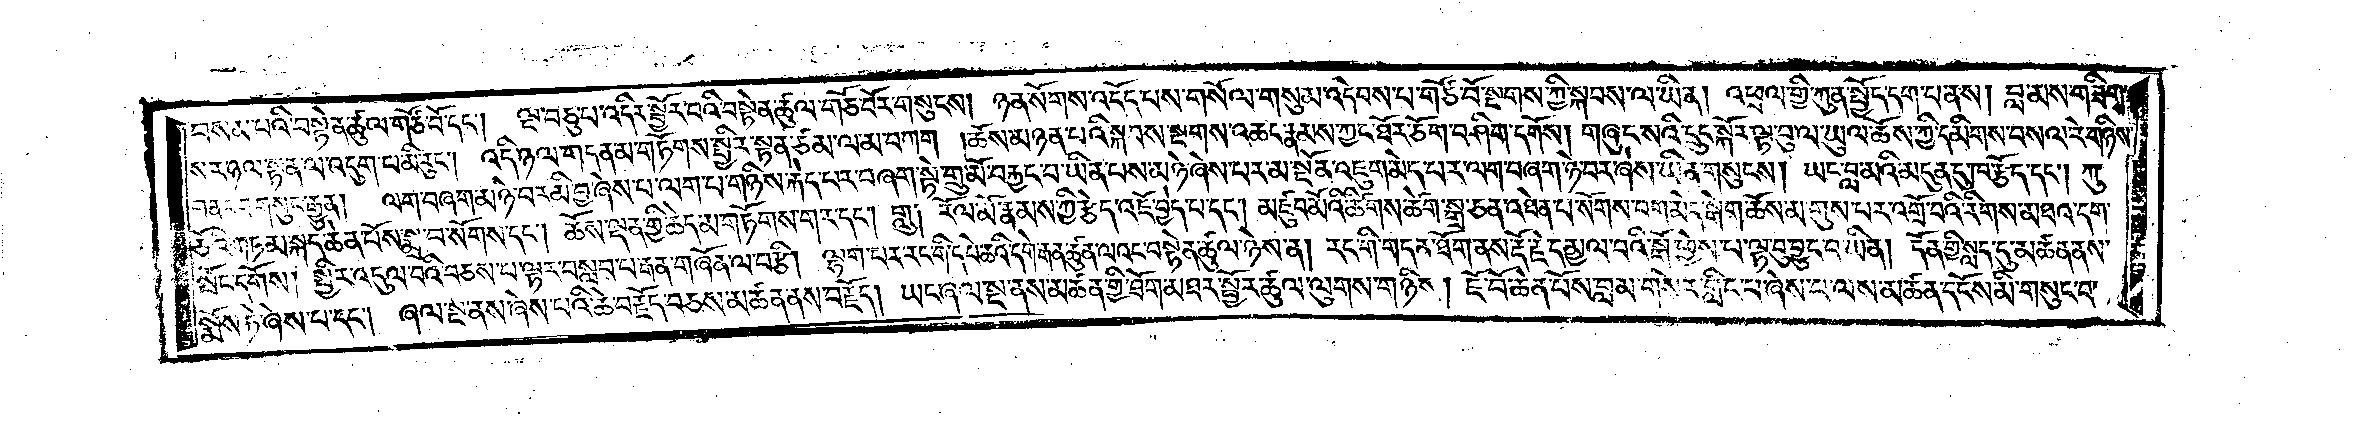བསམ་པའི་བསྟེན་ཚུལ་གཙོ་བོ་དང་། ལྔ་བཅུ་པ་འདིར་སྦྱོར་བའི་བསྟེན་ཚུལ་གཙོ་བོར་གསུངས། ཉན་སོགས་འདོད་པས་གསོལ་གསུམ་འདེབས་པ་གཙོ་བོ་སྔགས་ཀྱི་སྐབས་ལ་ཡིན། འཕྲལ་གྱི་ཀུན་སྤྱོད་དག་པ་ནས། བླ་མས་གཟིགས་
སར་ཉལ་སྟན་ལ་འདུག་པ་མི་རུང་། འདི་ཉལ་གདན་མ་གཏོགས་སྤྱིར་སྟན་ཙམ་ལ་མ་བཀག །ཆོས་མཉན་པའི་སྐབས་སྔགས་འཆང་རྣམས་ཀྱང་ཐོར་ཅོག་བཤིག་དགོས། གཞུང་སའི་དྲུང་སྐོར་ལྟ་བུ་ལ་ཡུལ་ཆོས་ཀྱི་དམིགས་བསལ་རེ་གཉིས་
གནང་བ་གསུང་རྒྱུན། ལག་བཞག་མཉེ་བར་མི་བྱ་ཞེས་པ་ལག་པ་གཉིས་རྐེད་པར་བཞག་སྟེ་གྲུ་མོ་བརྐྱང་བ་ཡིན་པས་མཉེ་ཞེས་པར་མ་སྔོན་འཇུག་མེད་པར་ལག་བཞག་ཉེ་བར་ཞེས་ཡིན་གསུངས། ཡང་བླ་མའི་མདུན་དུ་ཁ་རྩོད་དང་། ཀུ་
ཅོའི་གཏམ་སྐད་ཆེན་པོས་སྨྲ་བ་སོགས་དང་། ཆོས་ལྡན་གྱི་ཆེད་མ་གཏོགས་གར་དང་། གླུ། རོལ་མོ་རྣམས་ཀྱི་རྩེད་འཇོ་བྱེད་པ་དང་། མཛུབ་མོའི་ཚིགས་ཚེག་སྒྲ་ཅན་འཐེན་པ་སོགས་བག་མེད་སྒེག་ཆོས་མ་གུས་པར་འགྲོ་བའི་རིགས་མཐའ་དག་
སྤོང་དགོས། སྤྱིར་འདུལ་བའི་བཅས་པ་ལྟར་བསླབ་པ་རྒན་གཞོན་ལ་བརྩི། ལྷག་པར་རང་གི་དཔེ་ཆའི་དགེ་རྒན་ཚུན་ལའང་བསྟེན་ཚུལ་ཉེས་ན། རང་གི་གདན་ཐོག་ནས་རྡོ་རྗེ་དམྱལ་བའི་སྒོ་ཕྱེས་པ་ལྟ་བུ་བྱུང་བ་ཡིན། དོན་གྱི་སླད་དུ་མཚན་ནས་
སྨོས་ཏེ་ཞེས་པ་དང་། ཞལ་སྡ་ནས་ཞེས་པའི་ཆེ་བརྗོད་བཅས་མཚན་ནས་བརྗོད། ཡང་ཞལ་སྔ་ནས་མཚན་གྱི་ཐོག་མཐར་སྦྱོར་ཚུལ་ལུགས་གཉིས། ཇོ་བོ་ཆེན་པོས་བླ་མ་གསེར་གླིང་པ་ཞེས་པ་ལས་མཚན་དངོས་མི་གསུང་བ་